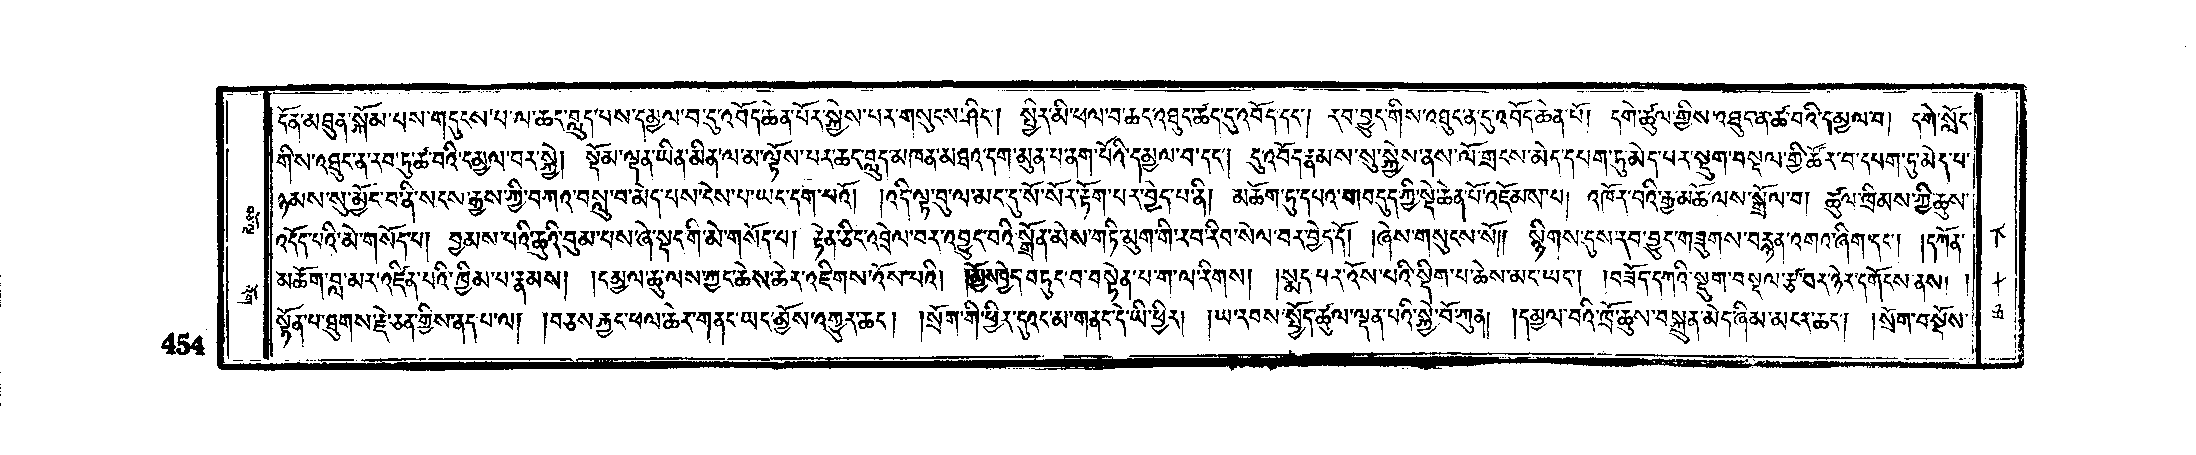དོན་མཐུན་སྐོམ་པས་གདུངས་པ་ལ་ཆང་བླུད་པས་དམྱལ་བ་དུ་འབོད་ཆེན་པོར་སྐྱེས་པར་གསུངས་ཤིང་། སྤྱིར་མི་ཕལ་བ་ཆང་འཐུང་ཚད་དུ་འབོད་དང་། རབ་བྱུང་གིས་འཐུང་ན་དུ་འབོད་ཆེན་པོ། དགེ་ཚུལ་གྱིས་འཐུང་ན་ཚ་བའི་དམྱལ་བ། དགེ་སློང་
གིས་འཐུང་ན་རབ་ཏུ་ཚ་བའི་དམྱལ་བར་སྐྱེ། སྡོམ་ལྡན་ཡིན་མིན་ལ་མ་ལྟོས་པར་ཆང་བླུད་མཁན་མཐའ་དག་མུན་པ་ནག་པོའི་དམྱལ་བ་དང་། དུ་འབོད་རྣམས་སུ་སྐྱེས་ནས་ལོ་གྲངས་མེད་དཔག་ཏུ་མེད་པར་སྡུག་བསྔལ་གྱི་ཚོར་བ་དཔག་ཏུ་མེད་པ་
ཉམས་སུ་མྱོང་བ་ནི་སངས་རྒྱས་ཀྱི་བཀའ་བསླུ་བ་མེད་པས་ངེས་པ་ཡང་དག་པའོ། །འདི་ལྟ་བུ་ལ་མང་དུ་སོ་སོར་རྟོག་པར་བྱེད་པ་ནི། མཆོག་ཏུ་དཔའ་བ།?  བདུད་ཀྱི་སྡེ་ཆེན་པོ་འཇོམས་པ། འཁོར་བའི་རྒྱ་མཚོ་ལས་སྒྲོལ་བ། ཚུལ་ཁྲིམས་ཀྱི་ཆུས་
འདོད་པའི་མེ་གསོད་པ། བྱམས་པའི་ཆུའི་བུམ་པས་ཞེ་སྡང་གི་མེ་གསོད་པ། རྟེན་ཅིང་འབྲེལ་བར་འབྱུང་བའི་སྒྲོན་མེས་གཏི་མུག་གི་རབ་རིབ་སེལ་བར་བྱེད་དོ། །ཞེས་གསུངས་སོ།། སྙིགས་དུས་རབ་བྱུང་གཟུགས་བརྙན་འགའ་ཞིག་དང་། །དཀོན་
མཆོག་བླ་མར་འཛིན་པའི་ཁྱིམ་པ་རྣམས། །དམྱལ་ཆུ་ལས་ཀྱང་ཆེས་ཆེར་འཇིགས་འོས་པའི། །མྱོས་བྱེད་བཏུང་བ་བསྟེན་པ་ག་ལ་རིགས། །སྨད་པར་འོས་པའི་སྡིག་པ་ཆེས་མང་ཡང་། །བཟོད་དཀའི་སྡུག་བསྔལ་རྩ་བར་ཉེར་དགོངས་ནས། །
སྟོན་པ་ཐུགས་རྗེ་ཅན་གྱིས་ནད་པ་ལ། །བཅས་རྐྱང་ཕལ་ཆེར་གནང་ཡང་མྱོས་འགྱུར་ཆང་། །སྲོག་གི་ཕྱིར་དུའང་མ་གནང་དེ་ཡི་ཕྱིར། །ཡ་རབས་སྤྱོད་ཚུལ་ལྡན་པའི་སྐྱེ་བོ་ཀུན། །དམྱལ་བའི་ཁྲོ་ཆུས་བསྐྲུན་མེད་ཞིམ་མངར་ཆང་། །སྲོག་བསྡོས་